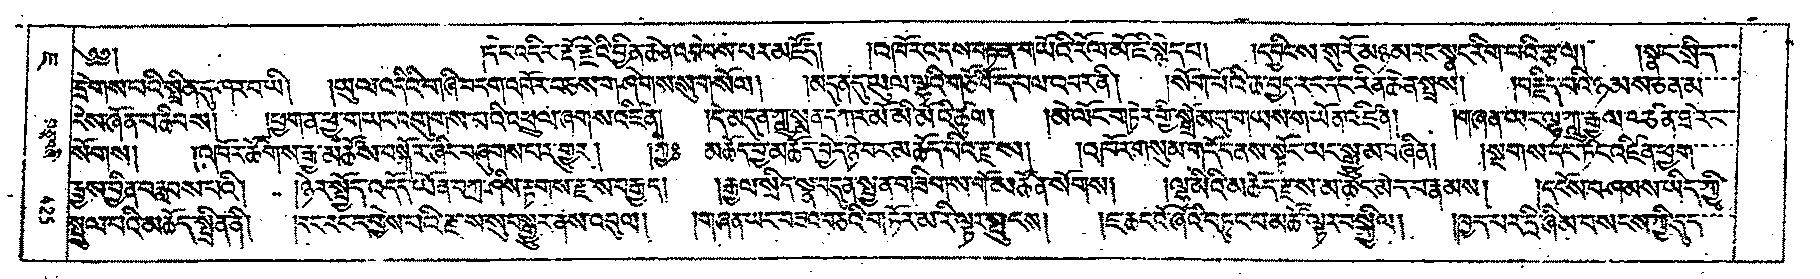༄༅། །དེང་འདིར་རྡོ་རྗེའི་བྱིན་ཆེན་འབེབས་པར་མཛོད། །འཁོར་འདས་བརྟན་གཡོའི་རོལ་མོ་ཇི་སྙེད་པ། །དབྱིངས་སུ་རོ་མཉམ་རང་སྣང་རིག་པའི་རྩལ། །སྣང་སྲིད་
དྲེགས་པའི་སྤྲིན་དུ་ཤར་བ་ཡི། །ཡུལ་འདིའི་གཞི་བདག་འཁོར་བཅས་གཤེགས་སུ་གསོལ། །མདུན་དུ་ཡུལ་ལྷའི་གཙོ་བོ་དཔལ་འབར་ནི། །སོག་པོའི་ཆ་བྱད་རང་དང་རིན་ཆེན་སྤྲས། །བརྗིད་པའི་ཉམས་ཅན་མ་
ངེས་ཞོན་པ་ཆིབས། །ཕྱག་ན་ཕྱ་གཡང་འགུགས་པའི་འཕྲུལ་ཞགས་འཛིན། །དེ་མདུན་ཀླུ་སྨན་དཀར་མོ་མི་མོའི་ཚུལ། །མེ་ལོང་གཏེར་གྱི་སྒྲོམ་བུ་གཡས་གཡོན་འཛིན། །གཞན་ཡང་ལྷ་ཀླུ་རྒྱལ་བཙན་ཐེ་རང་
སོགས། །འཁོར་ཚོགས་རྒྱ་མཚོས་བསྐོར་ཞིང་བཞུགས་པར་གྱུར། །ཀྱཻཿ མཆོད་བྱ་མཆོད་བྱེད་ཉེ་བར་མཆོད་པའི་རྫས། །འཁོར་གསུམ་གདོད་ནས་སྟོང་ཡང་སྒྱུ་མ་བཞིན། །སྔགས་དང་ཏིང་འཛིན་ཕྱག་
རྒྱས་བྱིན་བརླབས་པའི། །ཉེར་སྤྱོད་འདོད་ཡོན་བཀྲ་ཤིས་རྟགས་རྫས་བརྒྱད། །རྒྱལ་སྲིད་སྣ་བདུན་སྤྱན་གཟིགས་གོ་མཚོན་སོགས། །ལྷ་མིའི་མཆོད་རྫས་མ་ཆང་མེད་པ་རྣམས། །དངོས་བཤམས་ཡིད་ཀྱིས་
སྤྲུལ་པའི་མཆོད་སྤྲིན་ནི། །རང་རང་དགྱེས་པའི་རྫས་སུ་བསྒྱུར་ནས་འབུལ། །གཞན་ཡང་བཟའ་བཅའི་གཏོར་མ་རི་ལྟར་སྤུངས། །ཇ་ཆང་འོ་ཞོའི་བཏུང་བ་མཚོ་ལྟར་བསྐྱིལ། །ཁྱད་པར་དྲི་ཞིམ་བསངས་ཀྱི་དུད་